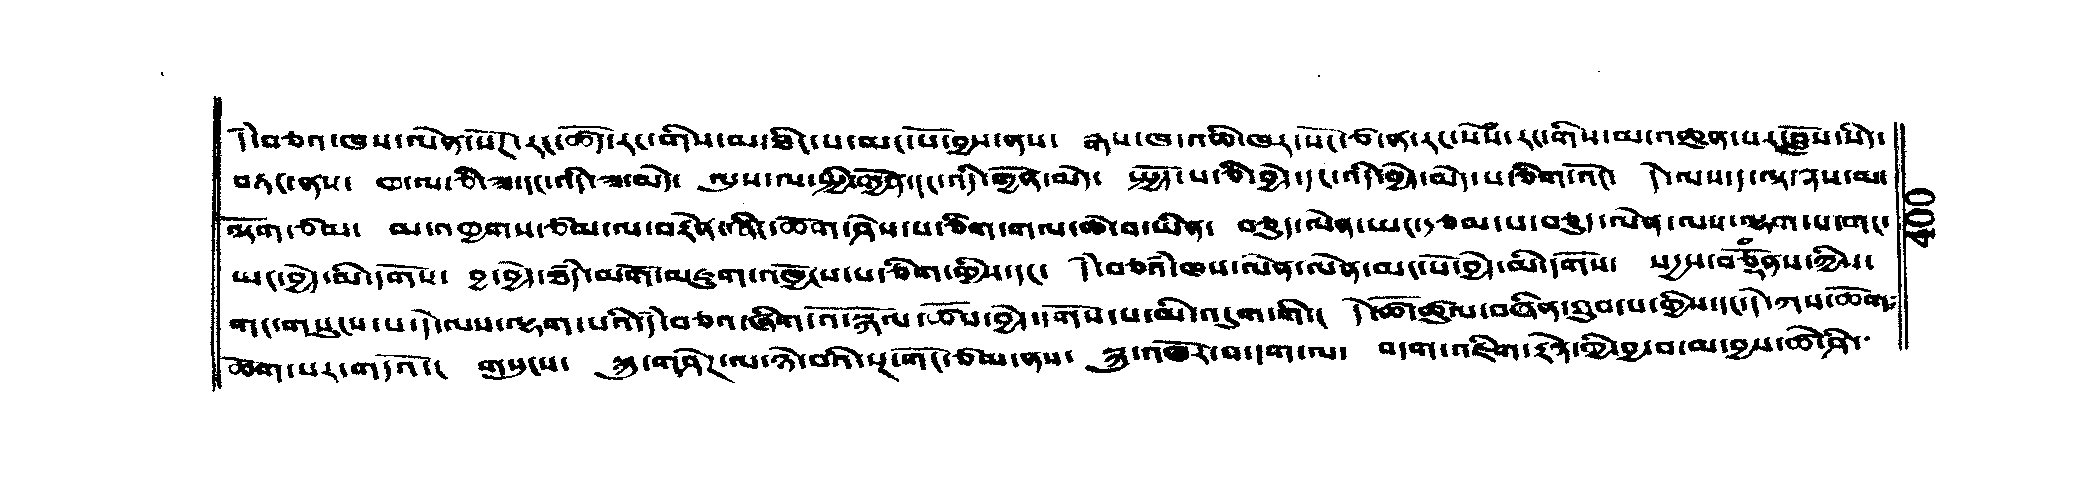དམ་བཅའ་ཁས་ལེན་སོགས་རང་ཚོད་རང་གིས་མ་ཐིགས་པ་མང་པོ་བྱས་ནས། རྒས་ཁ་འཆི་ཁར་སོང་ཙ་ན་རང་སེམས་རང་གིས་མ་འཆུན་པར་བློ་སིག་
བཏང་ནས། ཁ་ལ་ཅི་ཟ་དང་འདི་ཟ་མེད། ལུས་ལ་ཅི་གྱོན་དང་འདི་གྱོན་མེད། སྤྱོད་པ་ཅི་བྱེད་དང་འདི་བྱེད་མེད་པ་ཅཞག་འོང་། དེ་ལས་ད་ལྟ་ནས་མ་
ལྟོགས་ཙམ། མ་འཁྱགས་ཙམ་ལ་བརྟེན་ཞིང་ཆོག་ཤེས་པ་གཅིག་གལ་ཆེ་བ་ཡིན། བཅུད་ལེན་ཡང་རྩམ་པ་བཅུད་ལེན་ལས་ལྷག་པ་གང་
ཡང་བྱེད་མི་དགོས། བྱ་བྱེད་ཐམས་ཅད་མགོ་མཇུག་འཁྱོངས་པ་ཞིག་གྱིས་དང་། དམ་བཅའ་མཁས་ལེན་མང་པོ་བྱེད་མི་དགོས། སངས་རྒྱས་བཅོམ་ལྡན་འདས་ཀྱིས་
གང་གསུངས་པ་དེ་ལས་ལྷག་པའི་དམ་བཅའ་ཞིག་འོ་སྐོལ་ཆོས་བྱེད་དགོས་པ་མི་འདུག་གི དེ་ཚོ་ཚུལ་བཞིན་ཐུབ་པ་གྱིས་དང་དེ་ཀས་ཆོག་
ཆོག་པར་གདའོ་གསུངས། སྐུ་གཤེགས་ལ་ཉེ་བའི་སྔ་གོང་ཙམ་ནས།སྐུ་འཁོར་བ་དག་ལ། བདག་འཇིག་རྟེན་གྱི་བྱ་བ་མ་བྱས་ཚེ་ཤི་